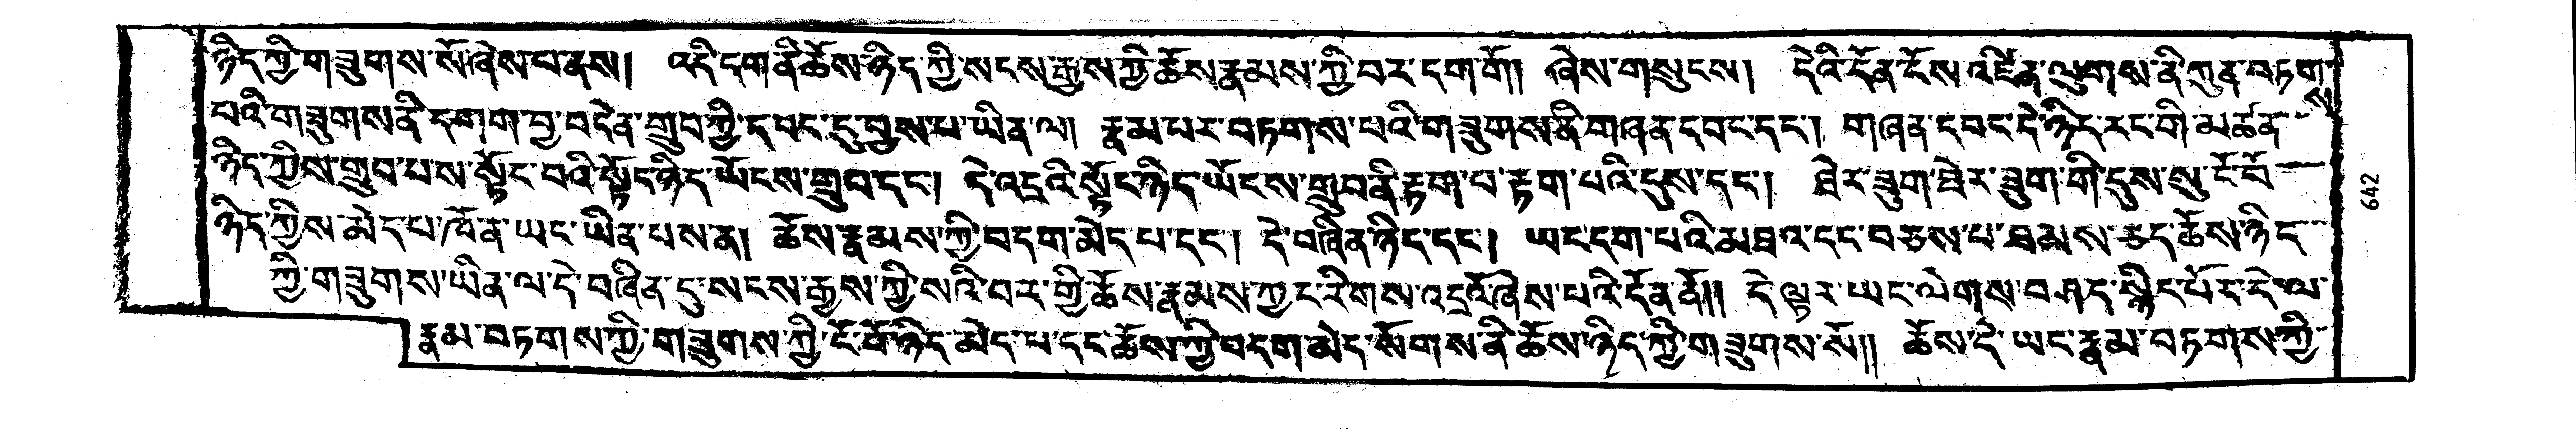ཉིད་ཀྱི་གཟུགས་སོ་ཞེས་པ་ནས། འདི་དག་ནི་ཆོས་ཉིད་ཀྱི་སངས་རྒྱས་ཀྱི་ཆོས་རྣམས་ཀྱི་བར་དག་གོ། ཞེས་གསུངས། དེའི་དོན་ངོས་འཛིན་ལུགས་ནི་ཀུན་བཏགས་
པའི་གཟུགས་ནི་དགག་བྱ་བདེན་གྲུབ་ཀྱི་དབང་དུ་བྱས་པ་ཡིན་ལ། རྣམ་པར་བཏགས་པའི་གཟུགས་ནི་གཞན་དབང་དང་། གཞན་དབང་དེ་ཉིད་རང་གི་མཚན་
ཉིད་ཀྱིས་གྲུབ་པས་སྟོང་པའི་སྟོང་ཉིད་ཡོངས་གྲུབ་དང་། དེ་འདྲའི་སྟོང་ཉིད་ཡོངས་གྲུབ་ནི་རྟག་པ་རྟག་པའི་དུས་དང་། ཐེག་ཟུག་ཐེར་ཟུག་གི་དུས་སུ་ངོ་བོ་
ཉིད་ཀྱིས་མེད་པ་ཁོ་ན་ཡང་ཡིན་པས་ན། ཆོས་རྣམས་ཀྱི་བདག་མེད་པ་དང་། དེ་བཞིན་ཉིད་དང་། ཡང་དག་པའི་མཐའ་དང་བཅས་པ་ཐམས་ཅད་ཆོས་ཉིད་
ཀྱི་གཟུགས་ཡིན་ལ་དེ་བཞིན་དུ་སངས་རྒྱས་ཀྱི་སའི་བར་གྱི་ཆོས་རྣམས་ཀྱང་རིགས་འདྲའོ་ཞེས་པའི་དོན་ནོ།། དེ་ལྟར་ཡང་ལེགས་བཤད་སྙིང་པོར་དེ་ལ་
རྣམ་བཏགས་ཀྱི་གཟུགས་ཀྱི་ངོ་བོ་ཉིད་མེད་པ་དང་ཆོས་ཀྱི་བདག་མེད་སོགས་ནི་ཆོས་ཉིད་ཀྱི་གཟུགས་སོ།། ཆོས་དེ་ཡང་རྣམ་བཏགས་ཀྱི་